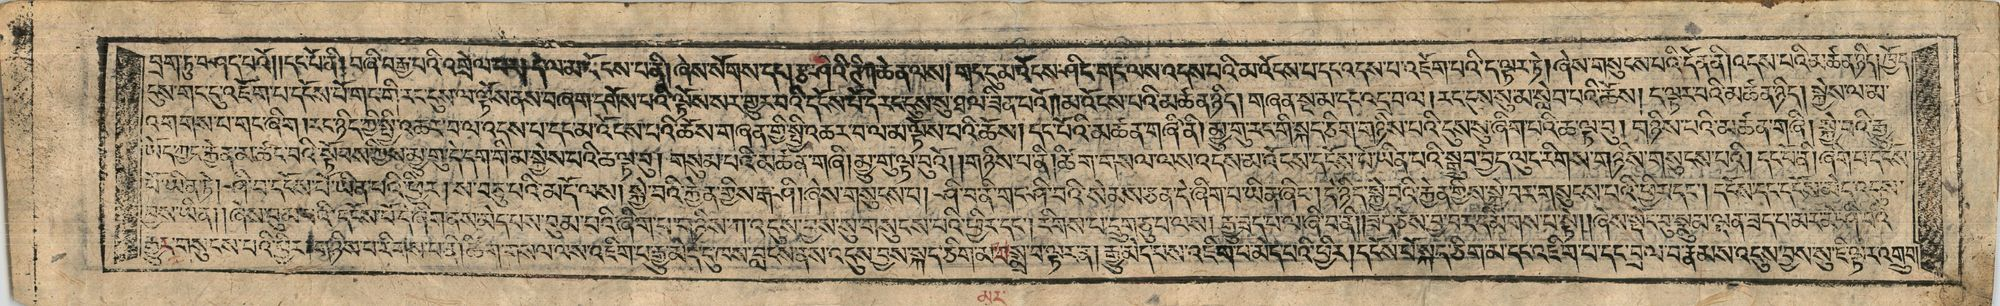བྲག་ཏུ་བཤད་པའོ། །དང་པོ་ནི། བཞི་བརྒྱ་པའི་འགྲེལ་པར། དེ་ལ་མ་འོངས་པ་ནི། ཞེས་སོགས་དང་། རྩ་ཤེའི་ཊིཀཆེན་ལས། གང་དུ་མ་འོངས་ཤིང་གང་ལས་འདས་པའི་མ་འོངས་པ་དང་འདས་པ་འཇོག་པའི་ད་ལྟར་ཏེ། ཞེས་གསུངས་པའི་དོན་ནི། འདས་པའི་མཚན་ཉིད། ཁྱོད་
དུས་གང་དུ་འཇོག་ས་དངོས་པོ་གང་གི་རང་དུས་ལ་ལྟོས་ནས་བཞག་དགོས་པའི་ལྟོས་སར་གྱུར་པའི་དངོས་པོ་དེ་རང་དུས་སུ་ཐལ་ཟིན་པའོ། །མ་འོངས་པའི་མཚན་ཉིད། གཞན་སྔ་མ་དང་འདྲ་བ་ལ། རང་དུས་སུ་མ་སླེབྤའི་ཆོས། ད་ལྟར་བའི་མཚན་ཉིད། སྐྱེས་ལ་མ་
འགགས་པ་གང་ཞིག །རང་ཉིད་ཀྱི་སྤྱི་འཆར་བ་ལ་འདས་པ་དང་མ་འོངས་པའི་ཆོས་གཞན་གྱི་སྤྱི་འཆར་བ་ལ་མ་ལྟོས་པའི་ཆོས། དང་པོའི་མཚན་གཞི་ནི། མྱུ་གུ་རང་གི་སྐད་ཅིག་གཉིས་པའི་དུས་སུ་ཞིག་པའི་ཆ་ལྟ་བུ། གཉིས་པའི་མཚན་གཞི། སྐྱེ་བའི་རྒྱུ་
ཡོད་ཀྱང་རྐྱེན་མ་ཚངས་པའི་སྟོབས་ཀྱིས་མྱུ་གུ་དེ་དག་གི་མ་སྐྱེས་པའི་ཆ་ལྟ་བུ། གསུམ་པའི་མཚན་གཞི། མྱུ་གུ་ལྟ་བུའོ། །གཉིས་པ་ནི། ཚིག་གསལ་ལས་འདས་མ་འོངས་དངོས་པོ་ཡིན་པའི་སྒྲུབ་བྱེད་ལུང་རིགས་གཉིས་གསུངས་པའི། དང་པོ་ནི། ཞིག་པ་དངོས་
པོ་ཡིན་ཏེ། ཤི་བ་དངོས་པོ་ཡིན་པའི་ཕྱིར། ས་བཅུ་པའི་མདོ་ལས། སྐྱེ་བའི་རྐྱེན་གྱིས་རྒ་ཤི། ཞེས་གསུངས་པ། ཤི་བ་ནི་གང་ཤི་བའི་སེམས་ཅན་དེ་ཞིག་པ་ཡིན་ཞིང་། དེ་ཉིད་སྐྱེ་བའི་རྐྱེན་གྱིས་སྐྱེ་བར་གསུངས་པའི་ཕྱིར་དང་། དངོས་དང་དངོས་མེད་འདུས་
བྱས་ཡིན། །ཞེས་བུམ་པའི་དངོས་པོ་དེ་ཞིག་ནས་མེད་པས་བུམ་པའི་ཞིག་པ་གཉིས་ཀ་འདུས་བྱས་སུ་གསུངས་པའི་ཕྱིར་དང་། རིགས་པ་དྲུག་ཅུ་པ་ལས། རྒྱུ་ཟད་པ་ལ་ཞི་བ་ནི། །ཟད་ཅེས་བྱ་བར་དམིགས་པ་སྟེ། །ཞེས་སྡོང་བུ་སྣུམ་ལྡན་ཟད་པ་མར་མེ་ཤི་བའི་
རྒྱུར་གསུངས་པའི་ཕྱིར། གཉིས་པ་རིགས་པ་ནི། ཚིག་གསལ་ལས་འཇིག་པ་རྒྱུ་མེད་དུ་ཁས་བླངས་ནས་འདུས་བྱས་སྐད་ཅིག་མར་སྨྲ་བ་ལྟར་ན། རྒྱུ་མེད་པས་འཇིག་པ་མེད་པའི་ཕྱིར། དངོས་པོ་སྐད་ཅིག་མ་དང་འཇིག་པ་དང་བྲལ་བ་རྣམས་འདུས་བྱས་སུ་ཇི་ལྟར་འགྲུབ་